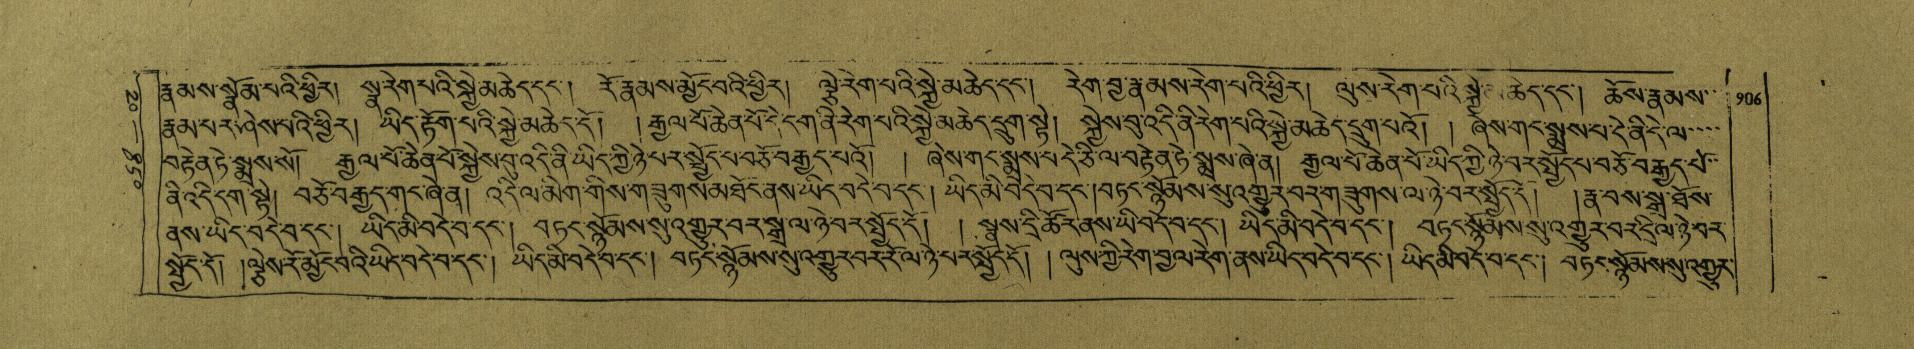རྣམས་སྣོམ་པའི་ཕྱིར། སྣ་རེག་པའི་སྐྱེ་མཆེད་དང་། རོ་རྣམས་མྱོང་བའི་ཕྱིར། ལྕེ་རེག་པའི་སྐྱེ་མཆེད་དང་། རེག་བྱ་རྣམས་རེག་པའི་ཕྱིར། ལུས་རེག་པའི་སྐྱེ་མཆེད་དང་། ཆོས་རྣམས་
རྣམ་པར་ཤེས་པའི་ཕྱིར། ཡིད་རྟོག་པའི་སྐྱེ་མཆེད་དོ། །རྒྱལ་པོ་ཆེན་པོ་དེ་དག་ནི་རེག་པའི་སྐྱེ་མཆེད་དྲུག་སྟེ། སྐྱེས་བུ་འདི་ནི་རེག་པའི་སྐྱེ་མཆེད་དྲུག་པའོ། །ཞེས་གང་སྨྲས་པ་དེ་ནི་དེ་ལ་
བརྟེན་ཏེ་སྨྲས་སོ། རྒྱལ་པོ་ཆེན་པོ་སྐྱེས་བུ་འདི་ནི་ཡིད་ཀྱི་ཉེ་པར་སྤྱོད་པ་བཅོ་བརྒྱད་པའོ། །ཞེས་གང་སྨྲས་པ་དེ་ཅི་ལ་བརྟེན་ཏེ་སྨྲས་ཞེ་ན། རྒྱལ་པོ་ཆེན་པོ་ཡིད་ཀྱི་ཉེ་བར་སྤྱོད་པ་བཅོ་བརྒྱད་པོ་
ནི་འདི་དག་སྟེ། བཅོ་བརྒྱད་གང་ཞེ་ན། འདི་ལ་མིག་གིས་གཟུགས་མཐོང་ནས་ཡིད་བདེ་བ་དང་། ཡིད་མི་བདེ་བ་དང་། བཏང་སྙོམས་སུ་འགྱུར་བར་གཟུགས་ལ་ཉེ་བར་སྤྱོད་དོ། །རྣ་བས་སྒྲ་ཐོས་
ནས་ཡིད་བདེ་བ་དང་། ཡིད་མི་བདེ་བ་དང་། བཏང་སྙོམས་སུ་འགྱུར་བར་སྒྲ་ལ་ཉེ་བར་སྤྱོད་དོ། །སྣས་དྲི་ཚོར་ནས་ཡི་བདེ་བ་དང་། ཡིད་མི་བདེ་བ་དང་། བཏང་སྙོམས་སུ་འགྱུར་བར་དྲིལ་ཉེ་བར་
སྤྱོད་དོ། །ལྕེས་རོ་མྱོང་བའི་ཡིད་བདེ་བ་དང་། ཡིད་མི་བདེ་བ་དང་། བཏང་སྙོམས་སུ་འགྱུར་བར་རོ་ལ་ཉེ་པར་སྤྱོད་དོ། །ལུས་ཀྱི་རེག་བྱ་ལ་རེག་ནས་ཡིད་བདེ་བ་དང་། ཡིད་མི་བདེ་བ་དང་། བཏང་སྙོམས་སུ་འགྱུར་